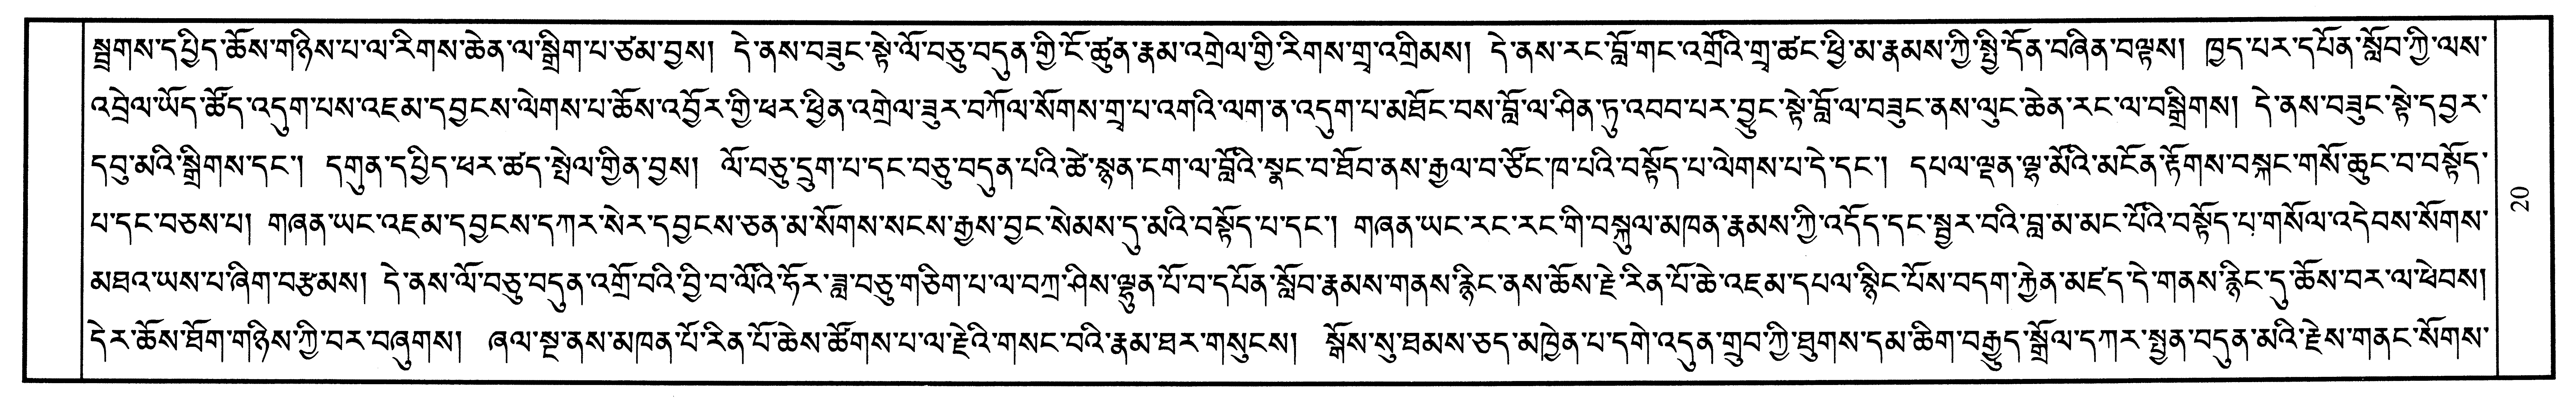སྦྲགས་དཔྱིད་ཆོས་གཉིས་པ་ལ་རིགས་ཆེན་ལ་སྒྲིག་པ་ཙམ་བྱས། དེ་ནས་བཟུང་སྟེ་ལོ་བཅུ་བདུན་གྱི་ངོ་ཚུན་རྣམ་འགྲེལ་གྱི་རིགས་གྲྭ་འགྲིམས། དེ་ནས་རང་བློ་གང་འགྲོའི་གྲྭ་ཚང་ཕྱི་མ་རྣམས་ཀྱི་སྤྱི་དོན་བཞིན་བལྟས། ཁྱད་པར་དཔོན་སློབ་ཀྱི་ལས་
འབྲེལ་ཡོད་ཚོད་འདུག་པས་འཇམ་དབྱངས་ལེགས་པ་ཆོས་འབྱོར་གྱི་ཕར་ཕྱིན་འགྲེལ་ཟུར་བཀོལ་སོགས་གྲྭ་པ་འགའི་ལག་ན་འདུག་པ་མཐོང་བས་བློ་ལ་ཤིན་ཏུ་འབབ་པར་བྱུང་སྟེ་བློ་ལ་བཟུང་ནས་ལུང་ཆེན་རང་ལ་བསྒྲིགས། དེ་ནས་བཟུང་སྟེ་དབྱར་
དབུ་མའི་སྒྲིགས་དང་། དགུན་དཔྱིད་ཕར་ཚད་སྤེལ་གྱིན་བྱས། ལོ་བཅུ་དྲུག་པ་དང་བཅུ་བདུན་པའི་ཚེ་སྙན་ངག་ལ་བློའི་སྣང་བ་ཐོབ་ནས་རྒྱལ་བ་ཙོང་ཁ་པའི་བསྟོད་པ་ལེགས་པ་དེ་དང་། དཔལ་མླྡན་ལྷ་མོའི་མངོན་རྟོགས་བསྐང་གསོ་ཆུང་བ་བསྟོད་
པ་དང་བཅས་པ། གཞན་ཡང་འཇམ་དབྱངས་དཀར་སེར་དབྱངས་ཅན་མ་སོགས་སངས་རྒྱས་བྱང་སེམས་དུ་མའི་བསྟོད་པ་དང་། གཞན་ཡང་རང་རང་གི་བསྐུལ་མཁན་རྣམས་ཀྱི་འདོད་དང་སྦྱར་བའི་བླ་མ་མང་པོའི་བསྟོད་པ་གསོལ་འདེབས་སོགས་
མཐའ་ཡས་པ་ཞིག་བརྩམས། དེ་ནས་ལོ་བཅུ་བདུན་འགྲོ་བའི་བྱི་བ་ལོའི་ཧོར་ཟླ་བཅུ་གཅིག་པ་ལ་བཀྲ་ཤིས་ལྷུན་པོ་བ་དཔོན་སློབ་རྣམས་གནས་རྙིང་ནས་ཆོས་རྗེ་རིན་པོ་ཆེ་འཇམ་དཔལ་སྙིང་པོས་བདག་རྐྱེན་མཛད་དེ་གནས་རྙིང་དུ་ཆོས་བར་ལ་ཕེབས།
དེར་ཆོས་ཐོག་གཉིས་ཀྱི་བར་བཞུགས། ཞལ་སྔ་ནས་མཁན་པོ་རིན་པོ་ཆེས་ཚོགས་པ་ལ་རྗེའི་གསང་བའི་རྣམ་ཐར་གསུངས། སྒོས་སུ་ཐམས་ཅད་མཁྱེན་པ་དགེ་འདུན་གྲུབ་ཀྱི་ཐུགས་དམ་ཆིག་བརྒྱུད་སྒྲོལ་དཀར་སྤྱན་བདུན་མའི་རྗེས་གནང་སོགས་